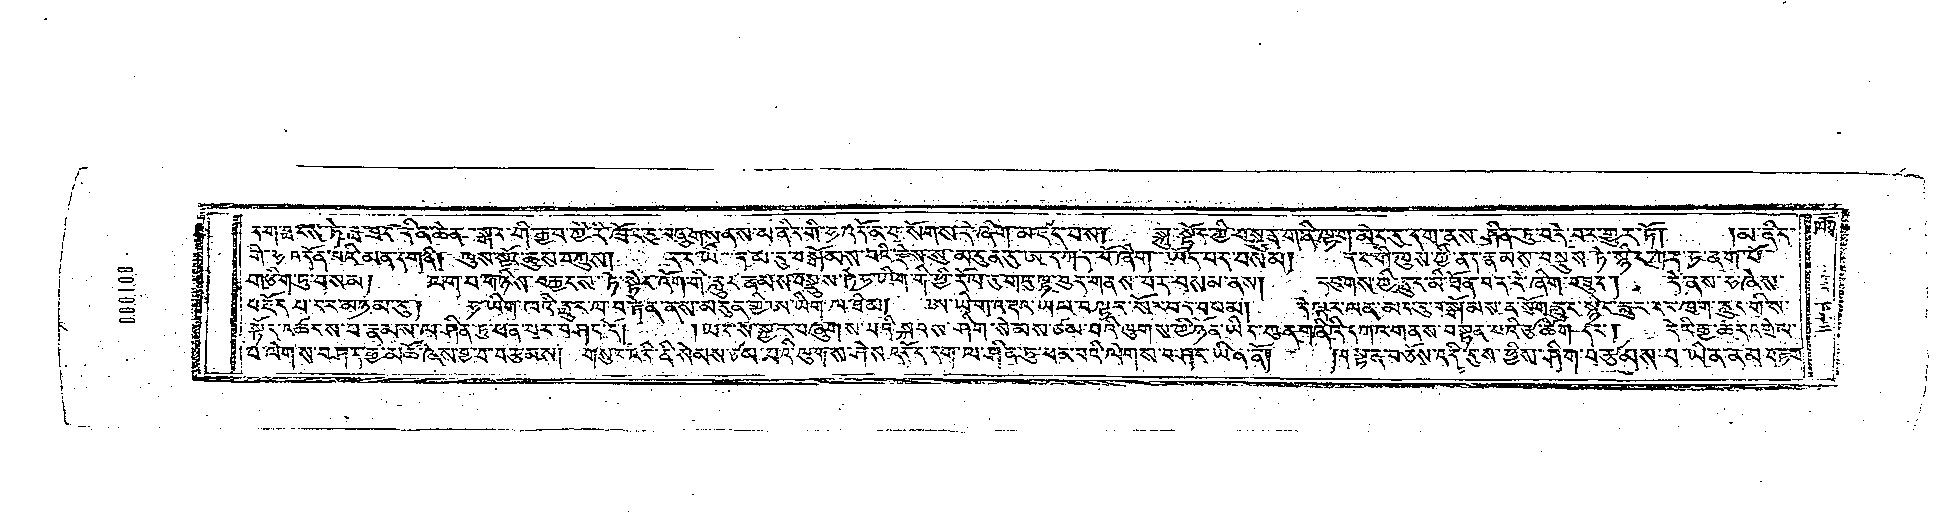དག་བླངས་ཏེ་བླ་བྲང་རིན་ཆེན་སྒང་གི་རྒྱབ་ཀྱི་རི་ཁྲོད་དུ་བཞུགས་ནས་མ་ནིང་གི་ཧ་འདོན་བ་སོགས་རེ་ཞིག་མཛད་པས། སྐུ་སྟོད་ཀྱི་བསྙུན་གཞི་ལྷག་མེད་དུ་དག་ནས་ཤིན་ཏུ་བདེ་བར་གྱུར་ཏོ། །མ་ནིང་
གི་ཧ་འདོན་པའི་མན་དག་ནི། ལུས་སྟོང་ཆུས་བཀྲུས། དང་ཡི་དམ་དུ་བསྒོམས་པའི་རྗེས་སུ་མདུན་དུ་ཨ་དཀར་པོ་ཞིག་ཡོང་པར་བསམ། རང་གི་ལུས་ཀྱི་ནད་ནམས་བསྡུས་ཏེ་སྙིང་ཀར་ཧ་ནག་པོ་
གཅིག་ཏུ་བསམ། ལག་པ་གཉིས་བརྐྱངས་ཏེ་སྟེང་འོག་གི་རླུང་རྣམས་བསྡུས་ཏེ་ཧ་ཡིག་གི་ཕྱི་རོལ་དུ་གའུ་ལྟ་བུར་གནས་པར་བསམ་ནས། དབུགས་ཀྱི་རླུང་མི་ཐོན་པར་རེ་ཞིག་བཟུང་། དེ་ནས་ཧ་ཞེས་
བརྗོད་པ་དང་མཉམ་དུ། ཧ་ཡིག་ཁའི་རླུང་ལ་བརྟེན་ནས་མདུན་གྱི་ཨ་ཡིག་ལ་ཐིམ། ཨ་ཡིག་འཇའ་ཡལ་བ་ལྟར་སོང་བར་བསམ། དེ་ལྟར་ལན་མང་དུ་བསྒོམས་ན་སྲོག་རླུང་སྙིང་རླུང་དང་ཁྲག་རླུང་གིས་
སྟོད་འཚངས་པ་རྣམས་ལ་ཤིན་ཏུ་ཕན་པར་བཤད་དོ། །ཡང་ས་སྐྱར་བཞུགས་པའི་སྐབས་ཤིག་སེམས་ཙམ་བའི་ལུག་སུ་ཀྱི་ཉོན་ཡིད་ཀུན་གཞིའི་དཀའ་གནས་བསྟན་པའི་རྩ་ཚིག་དང་། དེའི་རྒྱ་ཚར་འགྲེལ་
བ་ལེགས་བཤད་རྒྱ་མཚོ་ཞེས་བྱ་བ་བརྩམས། གསུང་འདི་ནི་སེམས་ཙམ་བའི་ལུགས་ཤེས་འདོད་དག་ལ་ཤིན་ཏུ་ཕན་པའི་ལེགས་བཤད་ཡིན་ནོ། །བསྟན་བཅོས་འདི་དུས་ཕྱིས་ཤིག་བརྩམས་པ་ཡིན་ནམ་བརྟག་